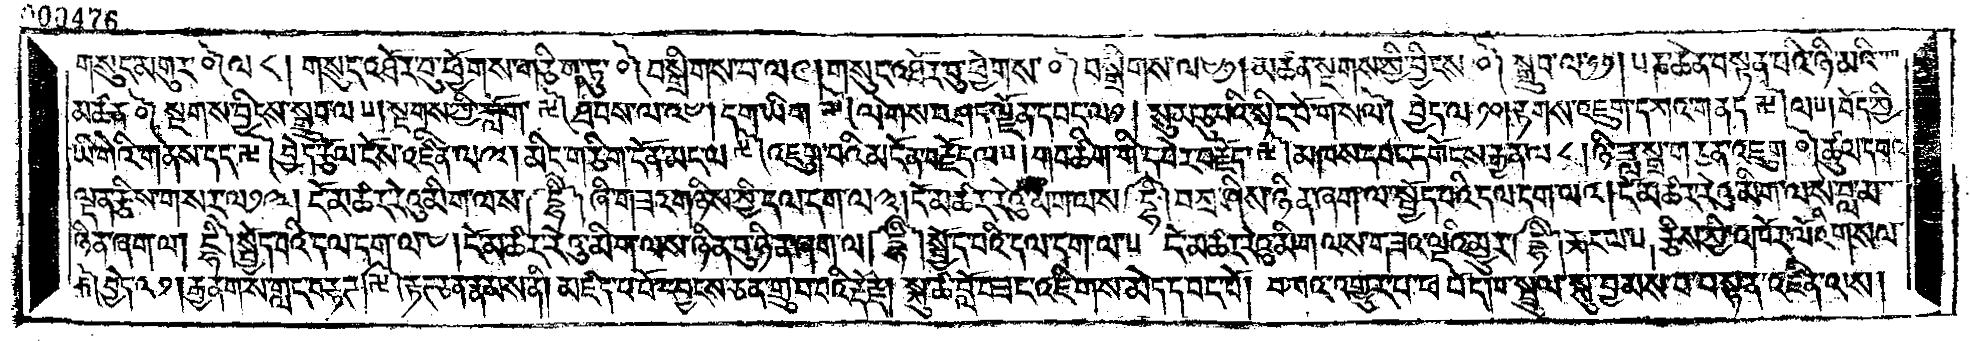གསུང་མགུར་྾༼་ལ༨། གསུང་འཐོར་བུ་ཕྱོགས་གཅིག་ཏུ་྾༽ བསྒྲིགས་པ་ལ༩། གསུང་འཐོར་བུ་ཕྱོགས་྾༼་བསྒྲིགས་ལ༤༡། མཚན་སྔགས་ཀྱི་བྱིངས་྾༽ སྒྲུབ་ལ༡༡། པཎ་ཆེན་བསྟན་པའི་ཉི་མའི་
མཚན་྾༼་སྔགས་བྱིངས་སྒྲུབ་ལ༥་སྔགས་ཀྱི་ཀློག་ཐབས་ལ ༢༤་དག་ཡིག་ལེགས་བཤད་ལྗོན་དབང་ལ༡། སུམ་ཅུ་པའི་སྙིང་པོ་གསལ༽ བྱེད་ལ༡༠། རྟགས་འཇུག་དཀའ་གནད་ལ༥། བོད་ཀྱི་
ཡི་གེའི་གནས་དད་བྱེད་རྩོལ་ངོས་འཛིན་ལ༣། མིང་གཅིག་དོན་མངའ་ལ་འཇུག་བའི་མངོན་བརྗོད་ལ༥། གབ་ཚིག་གི་དཔེར་བརྗོད་མཁས་དབང་དགོངས་རྒྱན་ལ ༨། ཉི་ཟླ་སྒྲ་གཅན་འཇུག་྾་ཚུལ་དགའ་
ལྡན་རྩིས་གསར་ལ༡༣། ངོ་མཚར་རེའུ་མིག་ལས ༼དྷི༽ ཞི་གཟའ་གཉིས་ཀྱི་དལ་དག་ལ༣། ངོ་མཚར་རེའུ་མིག་ལས ༼དྷི༽ བཀྲ་ཤིན་ཉིན་ཞག་ལ་སྤྱོད་པའི་དལ་དག་ལ༢། ངོ་མཚར་རེའུ་མིག་ལས་བླ་མ་
ཉིན་ཞག་ལ། དྷི༼་སྤྱོད་བའི་དལ་དག་ལ༤། ངོ་མཚར་རེའུ་མིག་ལས་ཉིན་བུ་ཉིན་ཞག་ལ། ༽དྷི༼་སྤྱོད་བའི་དལ་དག་ལ༥་ངོ་མཚར་རེའུ་མིག་ལས་གཟའ་ལྔའི་མྱུར་༽དྷི་རྐང་ལ༥། རྩིས་ཀྱི་འཁོར་ལོའི་གསལ་
བྱེད ༢༡། རྒྱ་ནག་ས་གླང་བརྟཌ་རྟཌ་ཅན་རྣམས་ནི། མཛད་པ་པོ་དབྱངས་ཅན་གྲུབ་པའི་རྡོ་རྗེ། སྐུ་ཚ་བློ་བཟང་འཇིགས་མེད་དབང་པོ། བཀའ་འགྱུར་པ་ཕ་བོད་ཁ་སྤྲུལ་སྐུ་བྱམས་པ་བསྟན་འཛིན་ལས།